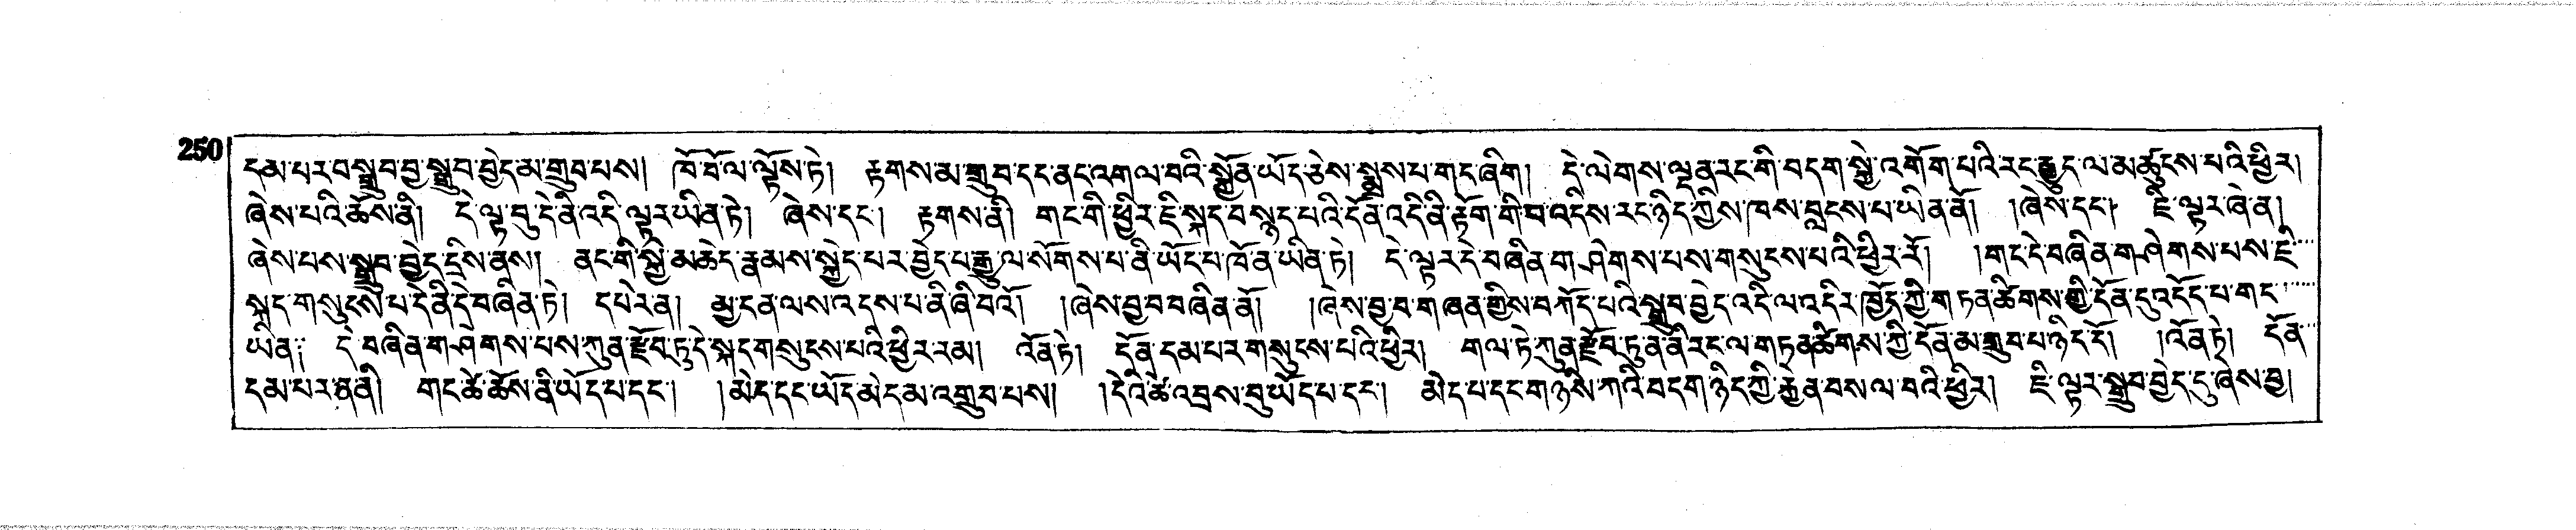དམ་པར་བསྒྲུབ་བྱ་སྒྲུབ་བྱེད་མ་གྲུབ་པས། ཁོ་བོ་ལ་ལྟོས་ཏེ། རྟགས་མ་གྲུབ་དང་ནང་འགལ་བའི་སྐྱོན་ཡོད་ཅེས་སྨྲས་པ་གང་ཞིག། དེ་ལེགས་ལྡན་རང་གི་བདག་སྐྱེ་འགོག་པའི་རང་རྒྱུད་ལ་མཚུངས་པའི་ཕྱིར།
ཞེས་པའི་ཆོས་ནི། དེ་ལྟ་བུ་དེ་ནི་འདི་ལྟར་ཡིན་ཏེ། ཞེས་དང་། རྟགས་ནི། གང་གི་ཕྱིར་ཇི་སྐད་བསྙད་པའི་དོན་འདི་ནི་རྟོག་གི་བ་འདིས་རང་ཉིད་ཀྱིས་ཁས་བླངས་པ་ཡིན་ནོ། །ཞེས་དང་། ཇི་ལྟར་ཞེ་ན།
ཞེས་པས་སྒྲུབ་བྱེད་དྲིས་ནས། ནང་གི་སྐྱེ་མཆེད་རྣམས་སྐྱེད་པར་བྱེད་པ་རྒྱུ་ལ་སོགས་པ་ནི་ཡོད་པ་ཁོ་ན་ཡིན་ཏེ། དེ་ལྟར་དེ་བཞིན་གཤེགས་པས་གསུངས་པའི་ཕྱིར་རོ། །གང་དེ་བཞིན་གཤེགས་པས་ཇི་
སྐད་གསུངས་པ་དེ་ནི་དེ་བཞིན་ཏེ། དཔེར་ན། མྱ་ངན་ལས་འདས་པ་ནི་ཞི་བའོ། །ཞེས་བྱ་བ་བཞིན་ནོ། །ཞེས་བྱ་བ་གཞན་གྱིས་བཀོད་པའི་སྒྲུབ་བྱེད་འདི་ལ་འདིར་ཁྱོད་ཀྱི་གཏན་ཚིགས་ཀྱི་དོན་དུ་འདོད་པ་གང་
ཡིན། དེ་བཞིན་གཤེགས་པས་ཀུན་རྫོབ་ཏུ་དེ་སྐད་གསུངས་པའི་ཕྱིར་རམ། འོན་ཏེ། དོན་དམ་པར་གསུངས་པའི་ཕྱིར། གལ་ཏེ་ཀུན་རྫོབ་ཏུ་ན་ནི་རང་ལ་གཏན་ཚིགས་ཀྱི་དོན་མ་གྲུབ་པ་ཉིད་དོ། །འོན་ཏེ། དོན་
དམ་པར་ན་ནི། གང་ཚེ་ཆོས་ནི་ཡོད་པ་དང་། །མེད་དང་ཡོད་མེད་མ་འགྲུབ་པས། །དེའི་ཚེ་འབྲས་བུ་ཡོད་པ་དང་། མེད་པ་དང་གཉིས་ཀའི་བདག་ཉིད་ཀྱི་རྐྱེན་བསལ་བའི་ཕྱིར། ཇི་ལྟར་སྒྲུབ་བྱེད་དུ་ཞེས་བྱ།